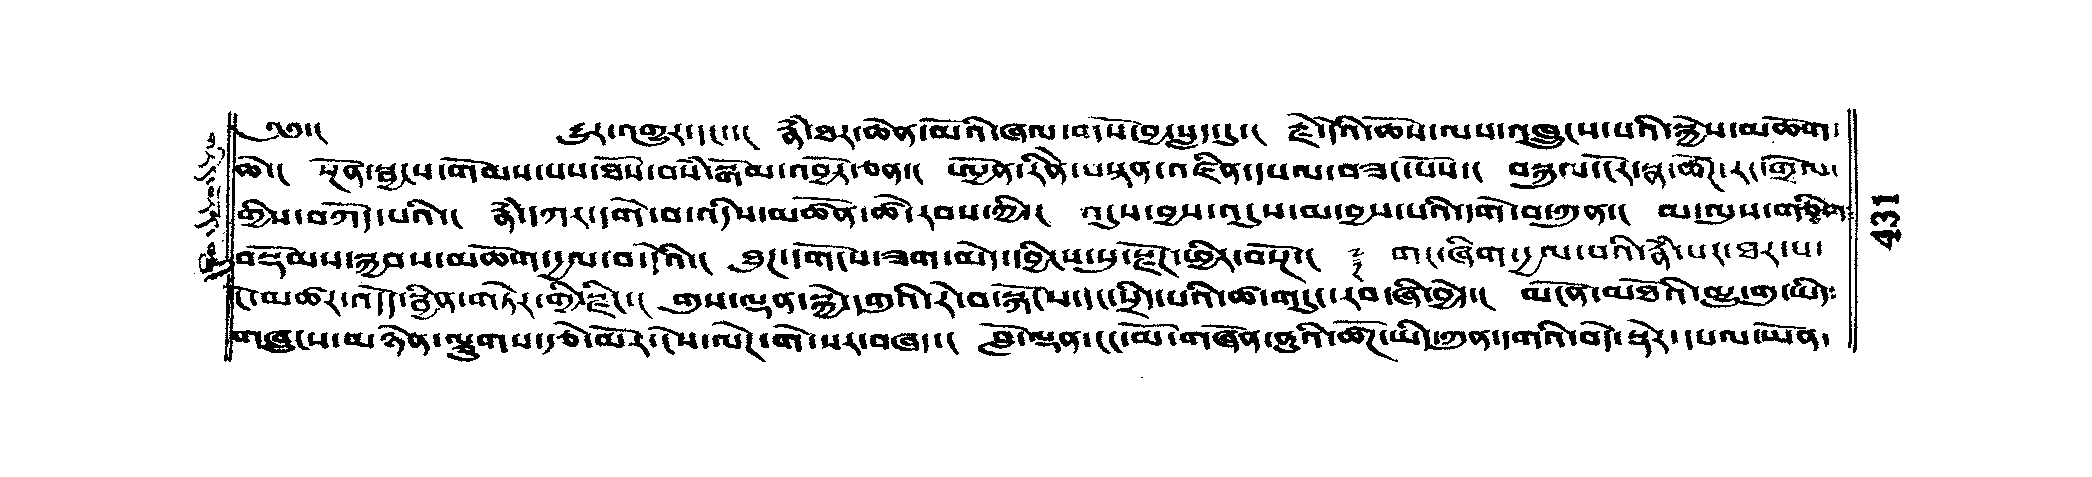རྒྱུར་འགྱུར་དང་། །རྣམ་ཐར་ཆེན་མོའི་ཞལ་གསོ་བྱ་སླད་དུ། །རྗེ་དེའི་ཆོས་ལས་འཁྲུངས་པའི་སྐྱེས་མཆོག་
ཆེ། །སྔོན་སྦྱངས་གོམས་པས་ཐོས་བསམ་སྒོམ་འབྱོར་ཅན། །ཨོ་རྒྱན་རིན་ཆེན་བསྟན་འཛིན་དཔལ་བཟང་པོས། །བསྐུལ་ངོར་སྣ་ཚོགས་རང་གྲོལ་
གྱིས་བཀོད་པའི། །རྣམ་དཀར་དགེ་བ་འདིས་མཚོན་ཚེ་རབས་ཀྱི། །འདུས་བྱས་འདུས་མ་བྱས་པའི་དགེ་བ་ཀུན། །མ་ལུས་གཅིག་
བསྡོམས་སྐྱབས་མཆོག་རྒྱལ་བ་དེའི། །ཐུགས་དགོངས་ཟག་མེད་དབྱིངས་སུ་རྫོགས་ཕྱིར་བསྔོ།། ༈ གང་ཞིག་རྒྱལ་བའི་རྣམ་པར་ཐར་པ་
ངོ་མཚར་འདོད་སྦྱིན་གཏེར་གྱི་རྫིང་། །གུས་ལྡན་སྐྱེ་རྒུའི་རེ་བ་སྐོང་དང་སྲིད་པའི་ཚ་གདུང་རབ་ཞི་བྱེད། །མངོན་མཐོའི་མྱུ་གུ་ཡིད་
གཞུངས་མཉེན་ལྕུགས་རྩེ་མོར་ངེས་ལེགས་གེ་སར་བཞད། །བློ་ལྡན་ངང་མོ་གཞོན་ནུའི་ཚོགས་ཡིད་ཀུན་དགའི་བདེ་སྟེར་དཔལ་ཡོན་